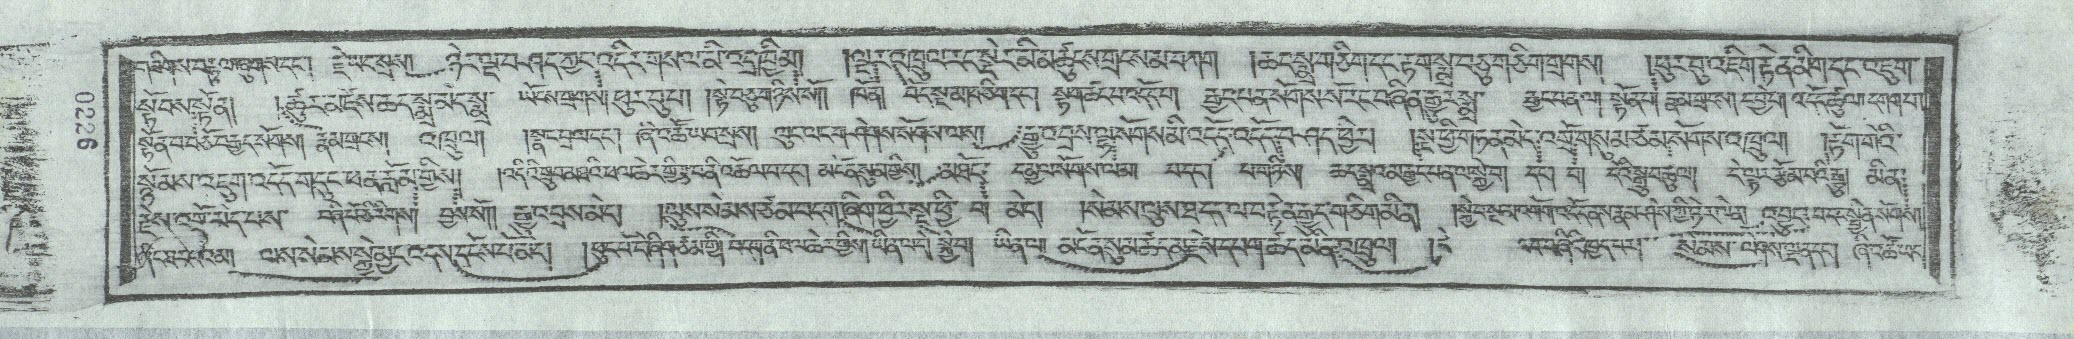གཟིགས་བརྟུལ་ཕུགས་དང་། རྗེ་ཡབ་སྲས། ཉེར་ལྔ་བཤད་ཀྱང་འདིར་གསལ་མི་འདྲ་ཁྱིམ། །ལྔར་འཁྲུལ་རང་སྡེར་མི་མཚུངས་གྲངས་མ་བཀག །ཆང་སྨྲ་གཅིག་དང་རྟག་སྨྲ་བཅུ་གཅིག་གྲགས། །ཕུར་བུ་འཇིག་རྟེན་མིག་དང་འཇུག་
སྟོབས་སྟོན། །ཚུར་མཛེས་ཆད་སྨྲ་མང་སྨྲ་ཡོངས་གྲགས། ཕུར་བུ་པ། །སྟེ་བཅུ་གཉིས་སོ། །ཁོ་ན། བོང་སྔམ་ཁ་ཅིག་དང་། སྟག་ཚང་བ་འདོད་པ། །རྒྱང་ཕན་སོགས་སོ་རང་བཞིན་རྒྱུར་སྨྲ་རྒྱང་ཕན་ལ། སྟོན་པ། རྣམ་གྲངས། དབྱེ་བ། འདོད་ཚུལ། དག?་པ་
སྟོན་བ་བཅོ་བརྒྱད་སོགས། རྣམ་གྲངས། འཁྲུལ། །སྣང་བྲལ་དང་། ཞི་འཚོ་ཡབ་སྲས། ལུང་ལང་གཤེགས་སོགས་ལས། རྒྱུ་འབྲས་ལྷ་སོགས་མི་འདོད་འདོད་བཤད་ཕྱིར། །སྔ་ཕྱི་གཏན་མེད་འགྲོ་གསུམ་ཙམ་སོགས་འཁྲུལ། །རྟག་དགེ་
སྙོམས་འཇུག་འདོད་གདུང་ཕན་རློམ་གྱིས། །འདིའི་གྲུབ་མཐའི་ཕལ་ཆེར་གྱི་རྩ་བ་ནི་འཆོལ་བ་དང་། མངོན་སུམ་གྱིས། མཐོང་དམྱལ་སོགས་ལས། པ་དང་། པ་གཉིས། ཆད་སྨྲ་འམ་རྒྱང་ཕན་ལ་སྐྱེས་བ། དང་། བ། དེའི་སྒྲུབ་ཚུལ། ངེ་ལྟར་རྩོམ་པའི་རྒྱུ། མིན?།
རྗེས་འགྲོ་མེད་པས་བཞི་བོ་རིགས། བྱས་སོ། རྒྱུ་འབྲས་མེད། །ལུས་སེམས་ཙམ་བདག་ཞིག་ཕྱིར་སྔ་ཕྱི་བ། མེད། སེམས་ལུས་ཐ་དད་ལ་བརྟེན་རྒྱུད་གཅིག་མིན། །སྐྱེ་བ་སྡམ་འགོག་འདོད་ནས་རྣམ་ཤེས་ཀྱི་ཉེར་ལེན། འབྱུང་བ་དང་སྦྱིན་སོགས།
ཞིང་ཟར་བའམ། ལས་སེམས་སྐྱེ་མྱང་འདས་དངོས་པོ་མང་། །ཕུང་པ་དེ་ཞིག་ཙམ་གྱི། བདག་ནི་ཕལ་ཆེར་གྱིས། ཡིན་བདེ། སྐྱེ་བ། ཡིན་ལ། མངོན་སུམ་ཚད་མ་རྗེས་དཔག་ཚད་མིན་འཁྲུལ། །འབ་བཞིའི་ཁྱད་པར། སེམས་ལེགས་ལྡན་དང་། ཞི་རོལ་ད?